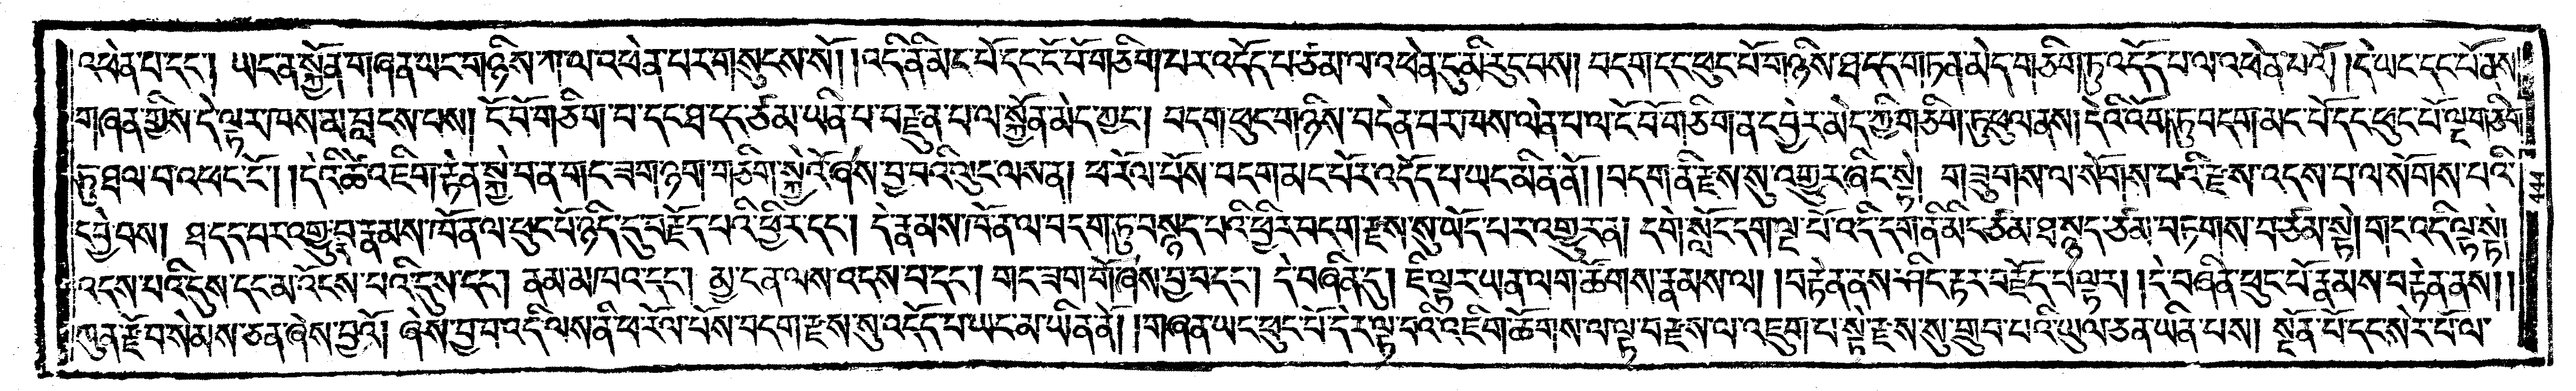འཕེན་པ་དང་། ཡང་ན་སྐྱོན་གཞན་ཡང་གཉིས་ཀ་ལ་འཕེན་པར་གསུངས་སོ། །འདི་ནི་མང་པོ་དང་ངོ་བོ་གཅིག་པར་འདོད་པ་ཙམ་ལ་འཕེན་དུ་མི་རུང་བས། བདག་དང་ཕུང་པོ་གཉིས་ཐ་དད་གཏན་མེད་གཅིག་ཏུ་འདོད་པ་ལ་འཕེན་པའོ། །དེ་ཡང་དང་པོ་ནས་
གཞན་གྱིས་དེ་ལྟར་ཁས་མ་བླངས་པས། ངོ་བོ་གཅིག་པ་དང་ཐ་དད་ཙམ་ཡིན་པ་བརྫུན་པ་ལ་སྐྱོན་མེད་ཀྱང་། བདག་ཕུང་གཉིས་བདེན་པར་ཁས་ལེན་པ་ལ་ངོ་བོ་གཅིག་ན་དབྱེར་མེད་ཀྱི་གཅིག་ཏུ་ཕུལ་ནས། དེའི་འོག་ཏུ་བདག་མང་པོ་དང་ཕུང་པོ་ལྔ་གཅིག་
ཏུ་ཐལ་བ་འཕང་ངོ། །དེའི་ཚེ་འཇིག་རྟེན་སྐྱེ་བ་ན་གང་ཟག་ཉག་གཅིག་སྐྱེའོ་ཞེས་བྱ་བའི་ལུང་ལས་ན། ཕ་རོལ་པོས་བདག་མང་པོར་འདོད་པ་ཡང་མིན་ནོ། །བདག་ནི་རྫས་སུ་འགྱུར་ཞིང་སྟེ། གཟུགས་ལ་སོགས་པའི་རྫས་འདས་པ་ལ་སོགས་པའི་
དབྱེ་བས། ཐ་དད་པར་འགྱུར་བ་རྣམས་ཁོ་ན་ལ་ཕུང་པོ་ཉིད་དུ་བརྗོད་པའི་ཕྱིར་དང་། དེ་རྣམས་ཁོ་ན་ལ་བདག་ཏུ་བསྙད་པའི་ཕྱིར་བདག་རྫས་སུ་ཡོད་པར་འགྱུར་ན། དགེ་སློང་དག་ལྔ་པོ་འདི་དག་ནི་མིང་ཙམ་ཐ་སྙད་ཙམ་བཏགས་པ་ཙམ་སྟེ། གང་འདི་ལྟ་སྟེ།
འདས་པའི་དུས་དང་མ་འོངས་པའི་དུས་དང་། ནམ་མཁའ་དང་། མྱ་ངན་ལས་འདས་པ་དང་། གང་ཟག་གོ་ཞེས་བྱ་བ་དང་། དེ་བཞིན་དུ། ཇི་ལྟར་ཡན་ལག་ཚོགས་རྣམས་ལ། །བརྟེན་ནས་ཤིང་རྟར་བརྗོད་པ་ལྟར། །དེ་བཞིན་ཕུང་པོ་རྣམས་བརྟེན་ནས།།
ཀུན་རྫོབ་སེམས་ཅན་ཞེས་བྱའོ། ཞེས་བྱ་བ་འདི་ལས་ན་ཕ་རོལ་པོས་བདག་རྫས་སུ་འདོད་པ་ཡང་མ་ཡིན་ནོ། །གཞན་ཡང་ཕུང་པོ་དེར་ལྟ་བའི་འཇིག་ཚོགས་ལ་ལྟ་བ་རྫས་ལ་འཇུག་པ་སྟེ་རྫས་སུ་གྲུབ་པའི་ཡུལ་ཅན་ཡིན་པས། སྔོན་པོ་དང་སེར་པོ་ལ་